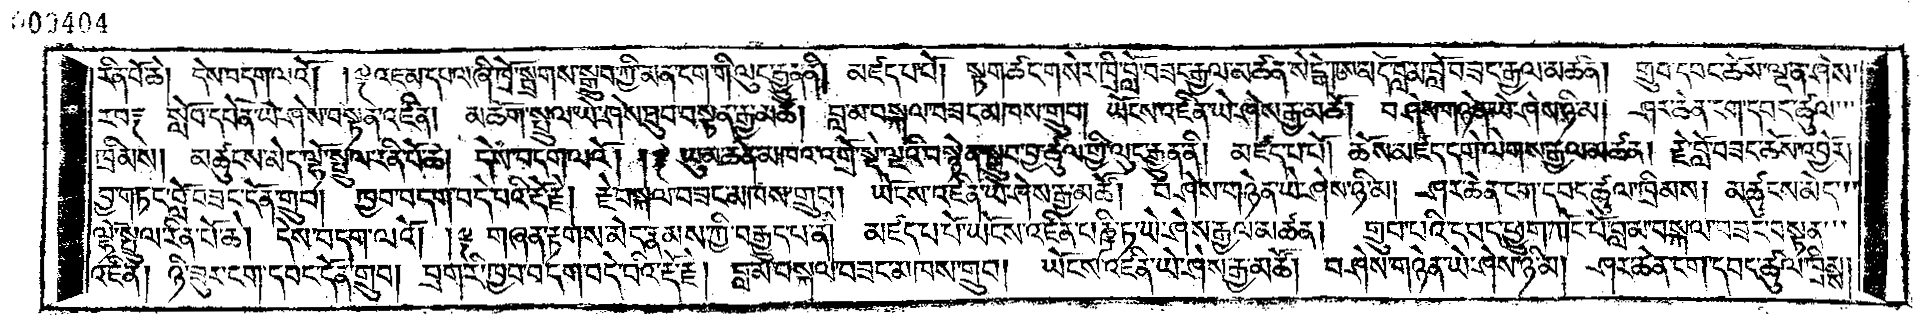རིན་པོ་ཆེ། དེས་བདག་ལའོ། །༈འཇམ་དཔལ་ཞི་ཁྲོ་སྦྲགས་སྒྲུབ་ཀྱི་མན་ངག་གི་ལུང་རྒྱུན་ནི། མཛད་པ་པོ། སྟག་ཚངས་གསེར་ཁྲི་བློ་བཟང་རྒྱལ་མཚན་སེངྒེ། ཨ་མདོ་བླ་མ་བློ་བཟང་རྒྱལ་མཚན། གྲུབ་དབང་ཆོས་ལྡན་ཤེས་
རབ༑ སློབ་དཔོན་ཡེ་ཤེས་བསྟན་འཛིན། མཆོག་སྤྲུལ་ཡེ་ཤེས་ཐུབ་བསྟན་རྒྱ་མཚོ། བླ་མ་བསྐལ་བཟང་མཁས་གྲུབ། ཡོངས་འཛིན་ཡེ་ཤེས་རྒྱ་མཚོ། བཤེས་གཉེན་ཡེ་ཤེས་ཉི་མ། ཤར་ཆེན་ངག་དབང་ཚུལ་
ཁྲིམས། མཚུངས་མེད་ལྷོ་སྤྲུལ་རིན་པོ་ཆེ། དེས་བདག་ལའོ། །༑ཡུམ་ཆེན་མཁའ་འགྲོ་སྡེ་ལྔའི་བསྙེན་སྒྲུབ་བྱ་ཚུལ་གྱི་ལུང་རྒྱུན་ནི། མཛད་པ་པོ། ཆོས་མཛད་དགེ་ལེགས་རྒྱལ་མཚན། རྗེ་བློ་བཟང་ཆོས་འབྱོར།
བྱ་གཏང་བློ་བཟང་དོན་གྲུབ། ཁྱབ་བདག་བདེ་པའི་རྡོ་རྗེ། རྗེ་བསྐལ་བཟང་མཁས་སྒྲུབ། ཡོངས་འཛིན་ཡེ་ཤེས་རྒྱ་མཚོ། བཤེས་གཉེན་ཡེ་ཤེས་ཉི་མ། ཤར་ཆེན་ངག་དབང་ཚུལ་ཁྲིམས། མཚུངས་མེད་
ལྷོ་སྤྲུལ་རིན་པོ་ཆེ། དེས་བདག་ལའོ། །༈གཞན་རྟགས་མེད་རྣམས་ཀྱི་བརྒྱུད་པ་ནི། མཛད་པ་པོ་ཡོངས་འཛིན་པཎྜི་ཏ་ཡེ་ཤེས་རྒྱལ་མཚན། གྲུབ་པའི་དབང་ཕྱུག་ཀོང་པོ་བླ་མ་བསྐལ་བཟང་བསྟན་
འཛིན། ཉི་ཟུར་ངག་དབང་དོན་གྲུབ། བྲག་རི་ཁྱབ་བདག་བདེ་བའི་རྡོ་རྗེ། བླ་མ་བསྐལ་བཟང་མཁས་གྲུབ། ཡོངས་འཛིན་ཡེ་ཤེས་རྒྱ་མཚོ། བཤེས་གཉེན་ཡེ་ཤེས་ཉི་མ། ཤར་ཆེན་ངག་དབང་ཚུལ་ཁྲིམས།